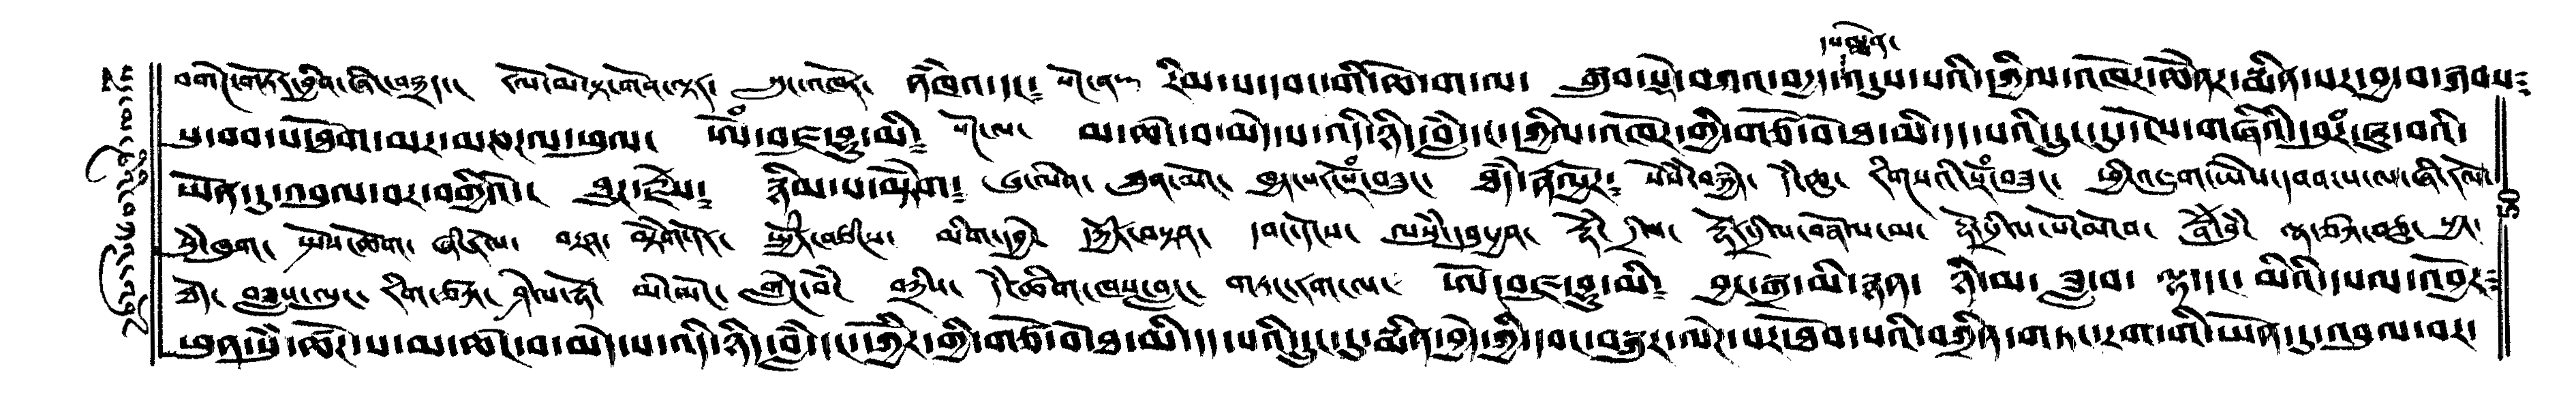བགེགས་གཏོར་བྱིན་ཞིང་བསྐྲད། རོལ་མོ་སྟ་གོན་ལྟར། སྲུང་འཁོར། ནམ་མཁའ་དང༴ སོགས་ནས། རིམ་པ་དབང་གི་ཆོ་ག་ལཿ སྒྲུབ་སྡེ་བཀའ་བརྒྱད་དཔལ་ཆེན་འདུས་པའི་དཀྱིལ་འཁོར་ཆེན་པོར་སྨིན་པར་བྱ་བ་སྐབས། 
སུ་བབ་པ་ཐོག་མར་མཎྜལ་ཕུལ། ཨོཾ་བཛྲ་བྷུ་མི༴ སོགས་ལ། མ་ཚང་བ་མེད་པ་འདི་ཉིད་བླ་མ་དང་དཀྱིལ་འཁོར་གྱི་གཙོ་བོ་ཐ་མི་དད་པའི་དྲུང་དུ་དངོས་གཞིའི་དབང་སྐུར་ཞུ་བའི་
ཡོན་དུ་འབུལ་བར་བགྱིའོ། ཐུགས་རྗེས༴ སྙིམ་པ་མེ་ཏོག༴ ཞུ་ལེན། ཐུན་མོང་། ཁྱད་པར་སྡོམ་གཟུང་། ཐམས་ཅད་རྣལ་འབྱོར༴ སེམས་བསྐྱེད། དམ་ཆུ། རིགས་པའི་སྡོམ་བཟུང་། ཕྱི་འཇུག་ཡེ་ཤེས་དབབ་པ་ལ་ཞི་རོལ་
སུམ་ཁུག སྤོས་ཆོག ཞི་རོལ། བརྟན། མེ་ཏོག་དོར། སྤྱི་བོར་བཅིངས། མིག་དབྱེ། དཀྱིལ་འཁོར་བསྟན། དབང་དངོས། ལས་བུུམ། དབུ་རྒྱན། རྡོ་རྗེ། དྲིལ་བུ། རྡོར་དྲིལ་བསྣོལ་མ། རྡོར་དྲིལ་སོ་སོ་བ། རྣམ་བུམ། ལྷ་ཙཀ་བཅུ། གསང་
ཐོད། བཟླས་ལུང་། རིག་ཙཀ ཤེལ་རྡོ། མེ་ལོང་། གླེགས་བམ། བཀྲ་ཤིས། དམ་ཚིག་ཁས་བླང་། གཏང་རག་ལ། ཨོཾ་བཛྲ་བྷུ་མི༴ བྱང་སྒྲ་མི་སྙན། ཉི་མ། ཟླ་བ། ལྷ་དང་མིའི་དཔལ་འབྱོར༴ 
ཕུན་སུམ་ཚོགས་པ་མ་ཚང་བ་མེད་པ་འདི་ཉིད་བླ་མ་དང་དཀྱིལ་འཁོར་གྱི་གཙོ་བོ་ཐ་མི་དད་པའི་དྲུང་དུ་སྨིན་བྱེད་ཀྱི་དབང་བསྐུར་ལེགས་པར་ཐོབ་པའི་བཀའ་དྲིན་གཏང་རག་གི་ཡོན་དུ་འབུལ་བར་